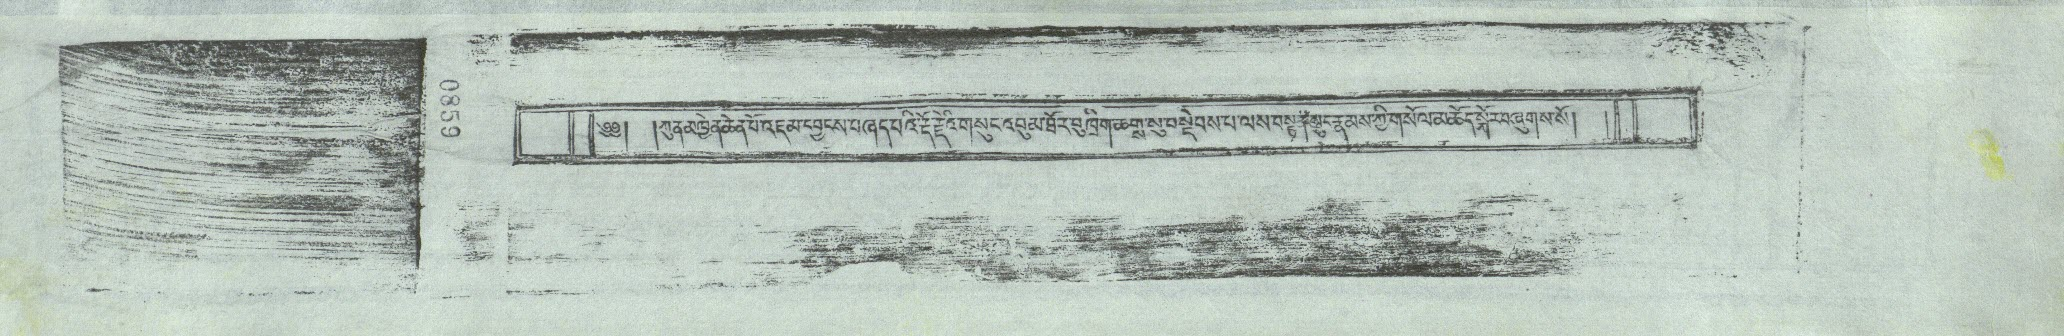༄༅། །ཀུན་མཁྱེན་ཆེན་པོ་འཇམ་དབྱངས་བཞད་པའི་རྡོ་རྗེའི་གསུང་འབུམ་ཐོར་བུ་ཁྲིག་ཆགས་སུ་བསྡེབས་པ་ལས་བསྟན་སྲུང་རྣམས་ཀྱི་གསོལ་མཆོད་སྐོར་བཞུགས་སོ། །